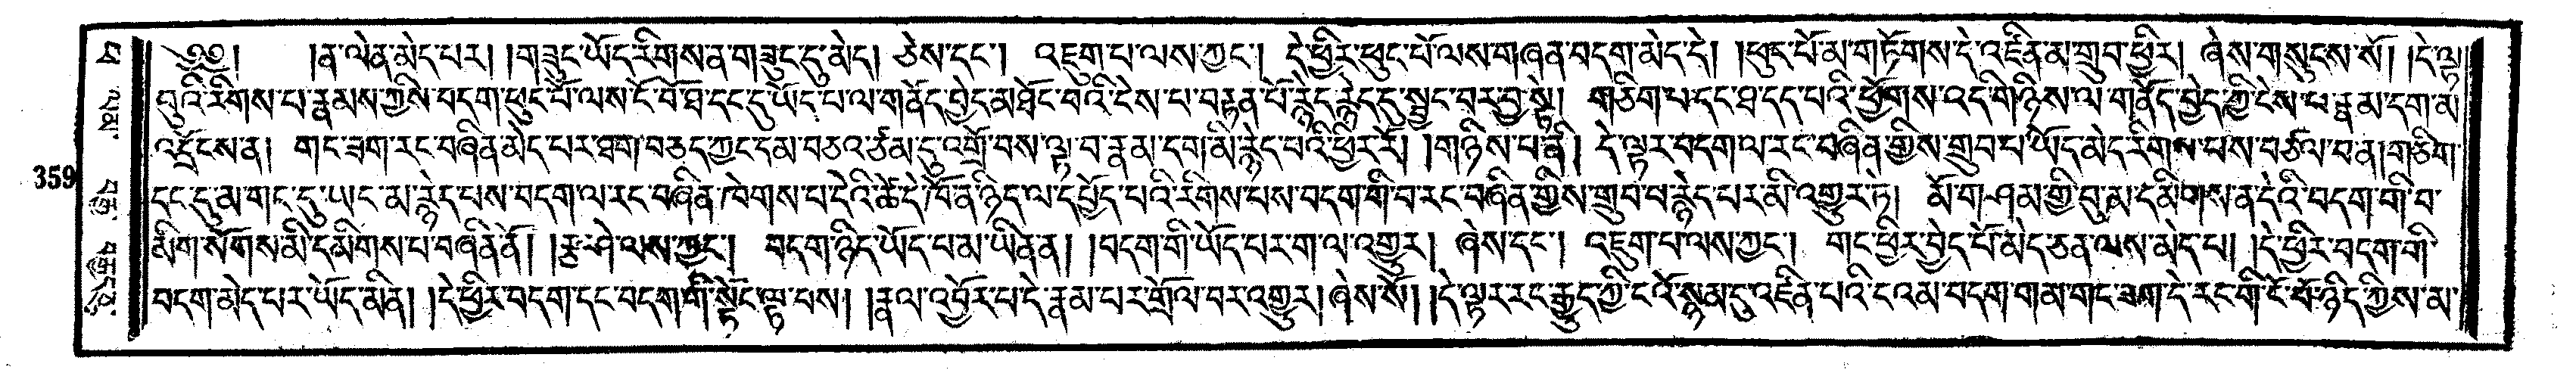༄༅། །ན་ལེན་མེད་པར། །གཟུང་ཡོད་རིགས་ན་གཟུང་དུ་མེད། ཅེས་དང་། འཇུག་པ་ལས་ཀྱང་། དེ་ཕྱིར་ཕུང་པོ་ལས་གཞན་བདག་མེད་དེ། །ཕུང་པོ་མ་གཏོགས་དེ་འཛིན་མ་གྲུབ་ཕྱིར། ཞེས་གསུངས་སོ། །དེ་ལྟ་
བུའི་རིགས་པ་རྣམས་ཀྱིས་བདག་ཕུང་པོ་ལས་ངོ་བོ་ཐ་དང་དུ་ཡོད་པ་ལ་གནོད་བྱེད་མཐོང་བའི་ངེས་པ་བརྟན་པོ་རྙེད་རྙེད་དུ་སྦྱང་བར་བྱ་སྟེ། གཅིག་པ་དང་ཐ་དད་པའི་ཕྱོགས་འདི་གཉིས་ལ་གནོད་བྱེད་ཀྱི་ངེས་པ་རྣམ་དག་མ་
འདྲོངས་ན། གང་ཟག་རང་བཞིན་མེད་པར་ཐག་བཅད་ཀྱང་དམ་བཅའ་ཙམ་དུ་འགྲོ་བས་ལྟ་བ་རྣམ་དག་མི་རྙེད་པའི་ཕྱིར་རོ། །གཉིས་པ་ནི། དེ་ལྟར་བདག་ལ་རང་བཞིན་གྱིས་གྲུབ་པ་ཡོད་མེད་རིགས་པས་བཙལ་བ་ན། གཅིག་
དང་དུ་མ་གང་དུ་ཡང་མ་རྙེད་པས་བདག་ལ་རང་བཞིན་ཁེགས་པ་དེའི་ཚེ་དེ་ཁོ་ན་ཉིད་ལ་དཔྱོད་པའི་རིགས་པས་བདག་གི་བ་རང་བཞིན་གྱིས་གྲུབ་པ་རྙེད་པར་མི་འགྱུར་ཏེ། མོ་གཤམ་གྱི་བུ་མ་དམིགས་ན་དེའི་བདག་གི་བ་
མིག་སོགས་མི་དམིགས་པ་བཞིན་ནོ། །རྩ་ཤེ་ལས་ཀྱང་། བདག་ཉིད་ཡོད་པ་མ་ཡིན་ན། །བདག་གི་ཡོད་པར་ག་ལ་འགྱུར། ཞེས་དང་། འཇུག་པ་ལས་ཀྱང་། གང་ཕྱིར་བྱེད་པོ་མེད་ཅན་ལས་མེད་པ། །དེ་ཕྱིར་བདག་གི་
བདག་མེད་པར་ཡོད་མིན། །དེ་ཕྱིར་བདག་དང་བདག་གི་སྟོང་ལྟ་བས། །རྣལ་འབྱོར་པ་དེ་རྣམ་པར་གྲོལ་བར་འགྱུར། ཞེས་སོ། །དེ་ལྟར་རང་རྒྱུད་ཀྱི་ངའོ་སྙམ་དུ་འཛིན་པའི་ངའམ་བདག་གམ་གང་ཟག་དེ་རང་གི་ངོ་བོ་ཉིད་ཀྱིས་མ་